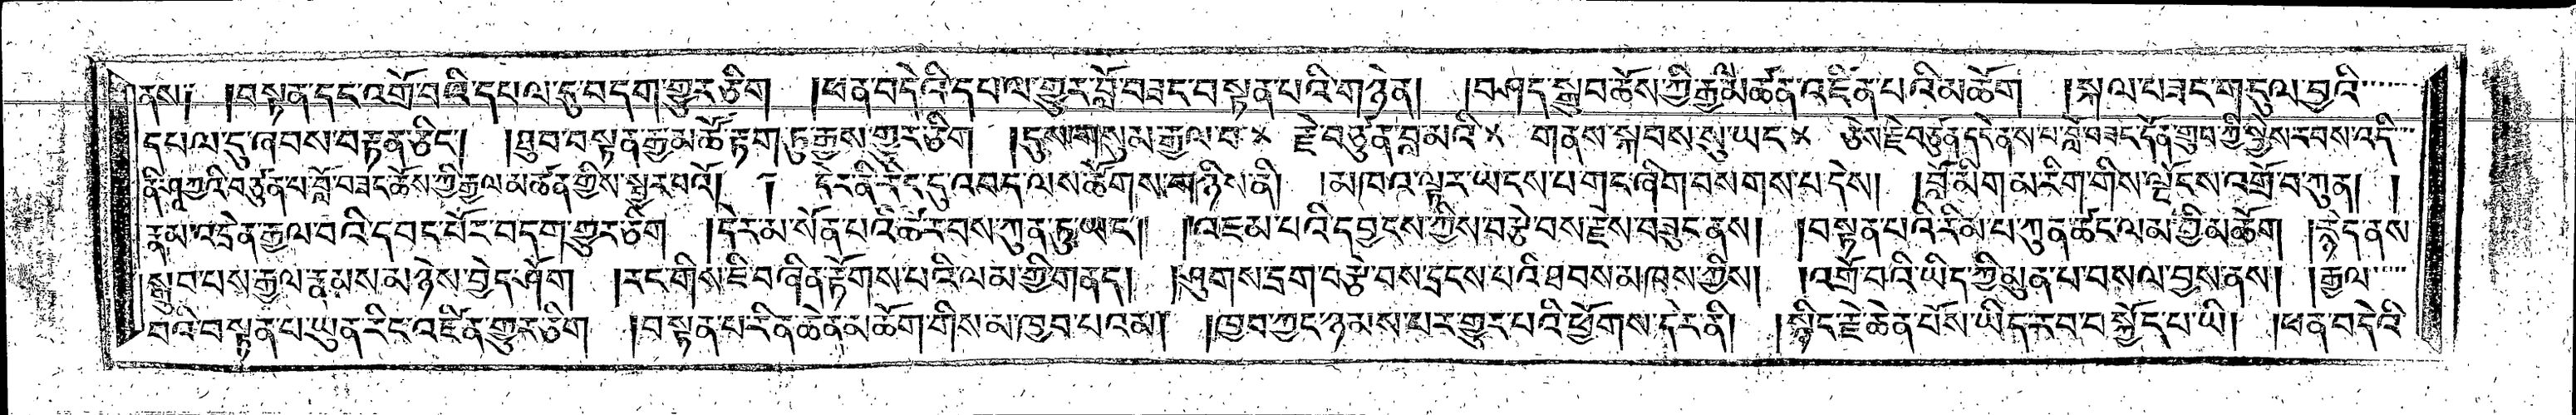ནས། །བསྟན་དང་འགྲོ་བའི་དཔལ་དུ་བདག་གྱུར་ཅིག །ཕན་བདེའི་དཔལ་གྱུར་བློ་བཟང་བསྟན་པའི་གཉེན། །བཤད་སྒྲུབ་ཆོས་ཀྱི་རྒྱལ་མཚན་འཛིན་པའི་མཆོག །སྐལ་བཟང་གདུལ་བྱའི་
དཔལ་དུ་ཞབས་བརྟན་ཅིང་། །ཐུབ་བསྟན་རྒྱ་མཚོ་རྟག་ཏུ་རྒྱས་གྱུར་ཅིག །དུས་གསུམ་རྒྱལ་བ་{྾}་རྗེ་བཙུན་བླ་མའི་{྾}་གནས་སྐབས་སུ་ཡང་{྾}་ཅེས་རྗེ་བཙུན་དེང་ན་ས་པ་བློ་བཟང་དོན་གྲུབ་ཀྱི་སྐྱེས་རབས་འདི་
ནི་ཤཱཀྱའི་བཙུན་པ་བློ་བཟང་ཆོས་ཀྱི་རྒྱལ་མཚན་གྱིས་སྦྱར་བའོ། ༈ དེར་ནི་རིང་དུ་འབད་ལས་ཚོགས་གཉིས་ནི། །མཁའ་ལྟར་ཡངས་པ་གང་ཞིག་བསགས་པ་དེས། །བློ་མིག་མ་རིག་གིས་ལྡོངས་འགྲོ་བ་ཀུན། །
རྣམ་འདྲེན་རྒྱལ་བའི་དབང་པོར་བདག་གྱུར་ཅིག །དེར་མ་སོན་པའི་ཚེ་རབས་ཀུན་ཏུ་ཡང་། །འཇམ་པའི་དབྱངས་ཀྱིས་བརྩེ་བས་རྗེས་བཟུང་ནས། །བསྟན་པའི་རིམ་པ་ཀུན་ཚང་ལམ་གྱི་མཆོག །རྙེད་ནས་
སྒྲུབ་པས་རྒྱལ་རྣམས་མཉེས་བྱེད་ཤོག །རང་གིས་ཇི་བཞིན་རྟོགས་པའི་ལམ་གྱི་གནད། །ཤུགས་དྲག་བརྩེ་བས་དྲངས་པའི་ཐབས་མཁས་ཀྱིས། །འགྲོ་བའི་ཡིད་ཀྱི་མུན་པ་བསལ་བྱས་ནས། །རྒྱལ་
བའི་བསྟན་པ་ཡུན་རིང་འཛིན་གྱུར་ཅིག །བསྟན་པ་རིན་ཆེན་མཆོག་གིས་མ་ཁྱབ་པའམ། །ཁྱབ་ཀྱང་ཉམས་པར་གྱུར་པའི་ཕྱོགས་དེར་ནི། །སྙིང་རྗེ་ཆེན་པོས་ཡིད་རབ་བསྐྱོད་པ་ཡི། །ཕན་བདེའི་